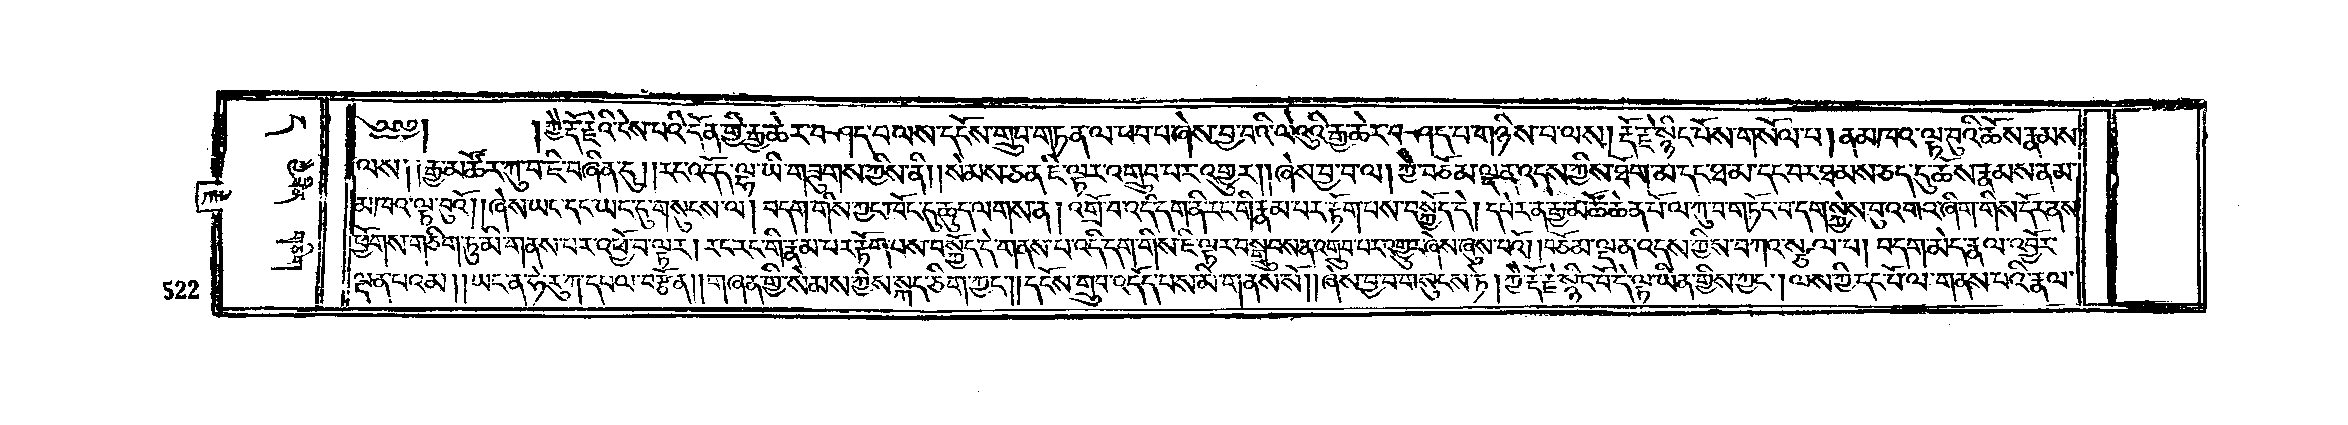༄༅༅། །ཀྱཻ་རྡོ་རྗེའི་ངེས་པའི་དོན་གྱི་རྒྱ་ཆེར་བཤད་པ་ལས་དངོས་གྲུབ་གཏན་ལ་ཕབ་པ་ཞེས་བྱ་བའི་ལེའུའི་རྒྱ་ཆེར་བཤད་པ་གཉིས་པ་ལས། རྡོ་རྗེ་སྙིང་པོས་གསོལ་པ། ནམ་མཁའ་ལྟ་བུའི་ཆོས་རྣམས་
ལས། །རྒྱ་མཚོར་ཀུ་བ་ཇི་བཞིན་དུ། །རང་འདོད་ལྷ་ཡི་གཟུགས་ཀྱིས་ནི། །སེམས་ཅན་ཇི་ལྟར་འགྲུབ་པར་འགྱུར། །ཞེས་བྱ་བ་ལ། ཀྱཻ་བཅོམ་ལྡན་འདས་ཀྱིས་ཐོག་མ་དང་ཐ་མ་དང་བར་ཐམས་ཅད་དུ་ཆོས་རྣམས་ནམ་
མཁའ་ལྟ་བུའོ། །ཞེས་ཡང་དང་ཡང་དུ་གསུངས་ལ། བདག་གིས་ཀྱང་ཁོང་དུ་ཆུད་ལགས་ན། འགྲོ་བ་འདི་དག་ནི་རང་གི་རྣམ་པར་རྟོག་པས་བསྐྱོད་དེ། དཔེར་ན་རྒྱ་མཚོ་ཆེན་པོ་ལ་ཀུ་བ་གཏོང་པ་དག་སྐྱེས་བུ་འགའ་ཞིག་གིས་དོར་ནས་
ཕྱོགས་གཅིག་ཏུ་མི་གནས་པར་འཕྱོ་བ་ལྟར། རང་རང་གི་རྣམ་པར་རྟོག་པས་བསྐྱོད་དེ་གནས་པ་འདི་དག་གིས་ཇི་ལྟར་བསྒྲུབས་ན་འགྲུབ་པར་འགྱུར་ཞེས་ཞུས་པའོ། །བཅོམ་ལྡན་འདས་ཀྱིས་བཀའ་སྩལ་པ། བདག་མེད་རྣལ་འབྱོར་
ལྡན་པའམ། །ཡང་ན་ཧེ་རུ་ཀ་དཔལ་བརྩོན། །གཞན་གྱི་སེམས་ཀྱིས་སྐད་ཅིག་ཀྱང་། །དངོས་གྲུབ་འདོད་པས་མི་གནས་སོ། །ཞེས་བྱ་བ་གསུངས་ཏེ། ཀྱཻ་རྡོ་རྗེ་སྙིང་པོ་དེ་ལྟ་ཡིན་གྱིས་ཀྱང་། ལས་ཀྱི་དང་པོ་ལ་གནས་པའི་རྣལ་